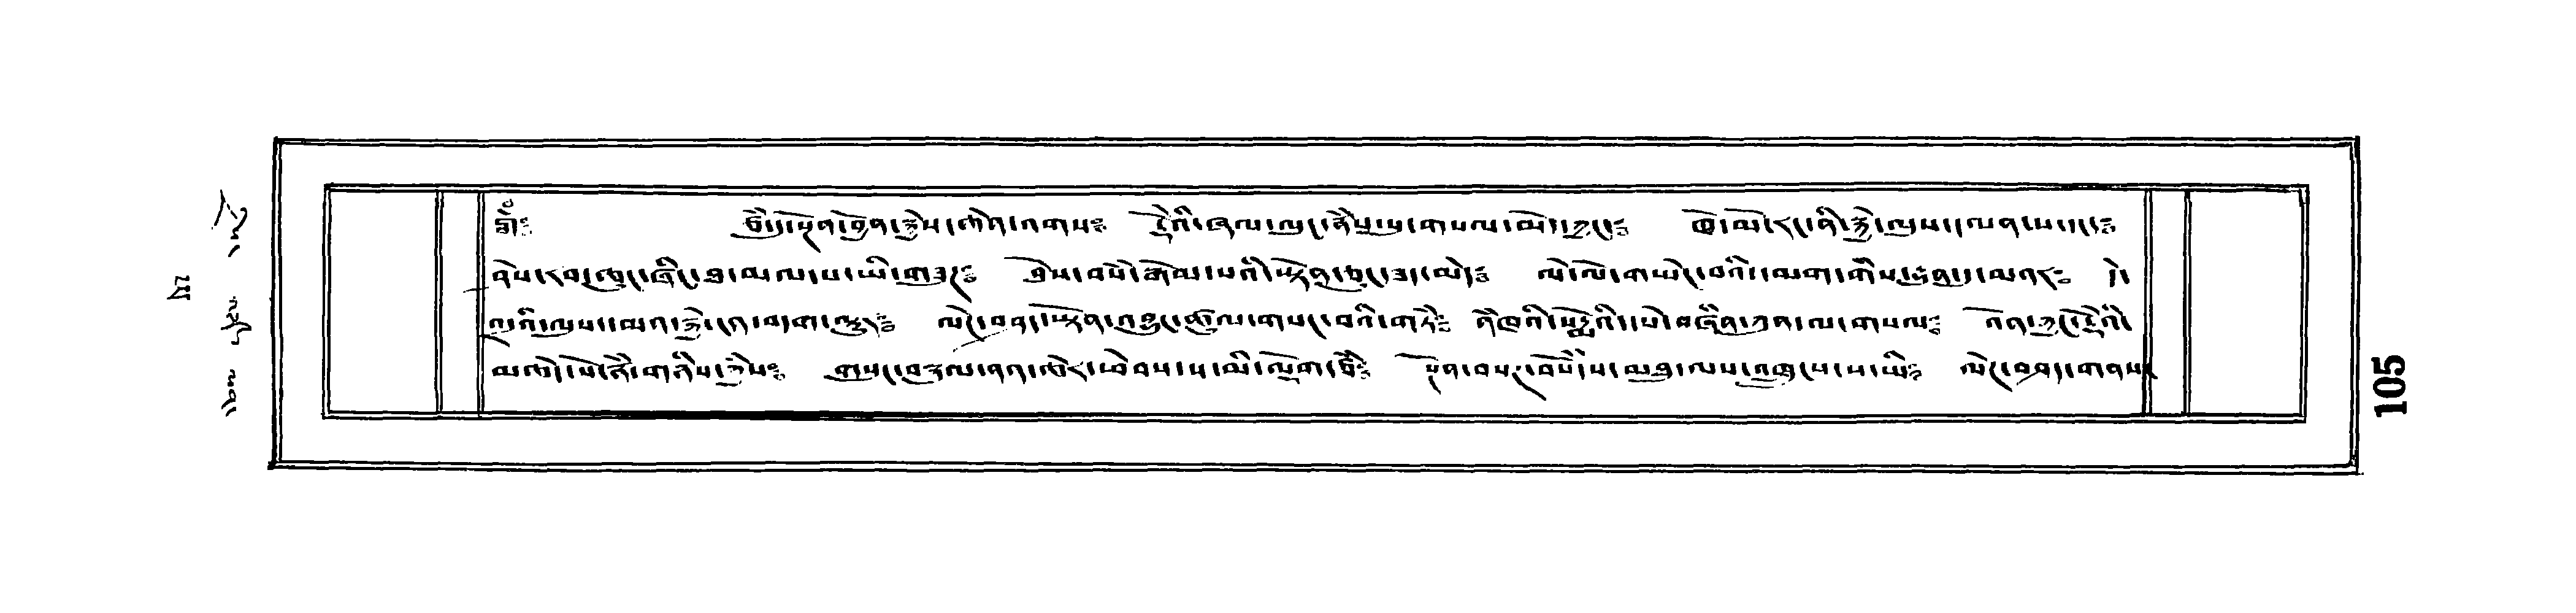ཙམ་དུ་སྔོན་བྱོན་སྐྱེས་ཆེན་འགས༔ རྡོ་རྗེའི་ཞལ་ལུང་རྣམས་སུ་གསལ་མོད་ཀྱང༔ ཁོ་མོ་རང་ནི་སྐྱེ་ལུས་དམན་པ་དང༔ 
ཤེས་རབ་ཆུང་ཞིང་ཐ་མལ་པ་ཡི་གཟུགས༔ ཐོས་བསམ་སྒོམ་པའི་ཡོན་ཏན་ཅུང་ཟད་མེད༔ ལེ་ལོ་གཡེང་བའི་དམག་གིས་རྒྱུན་དུ་མནར༔ དེ་
འདྲའི་ལུས་དམན་སྐྱེ་ངན་བདག་ལྟ་བུར༔ ལེགས་བཤད་ཡོན་ཏན་འབྱུང་ཚུལ་གསང་བའི་གཏམ༔ ནམ་མཁའི་པདྨོའི་དཔེ་བཞིན་ཀུན་ལ་གསལ༔ འོན་ཀྱང་རྡོ་རྗེའི་
མཆེད་པོ་རྣམ་གཉིས་ཀྱིས༔ གསུང་བསྐུལ་ནན་ཆེར་ཕེབས་པ་མི་ལྡོག་ཙམ༔ སྔོན་བསགས་བསོད་ནམས་མཐུ་ལས་འཁྲུངས་པ་ཡི༔ ལེགས་བཤད་གནས་